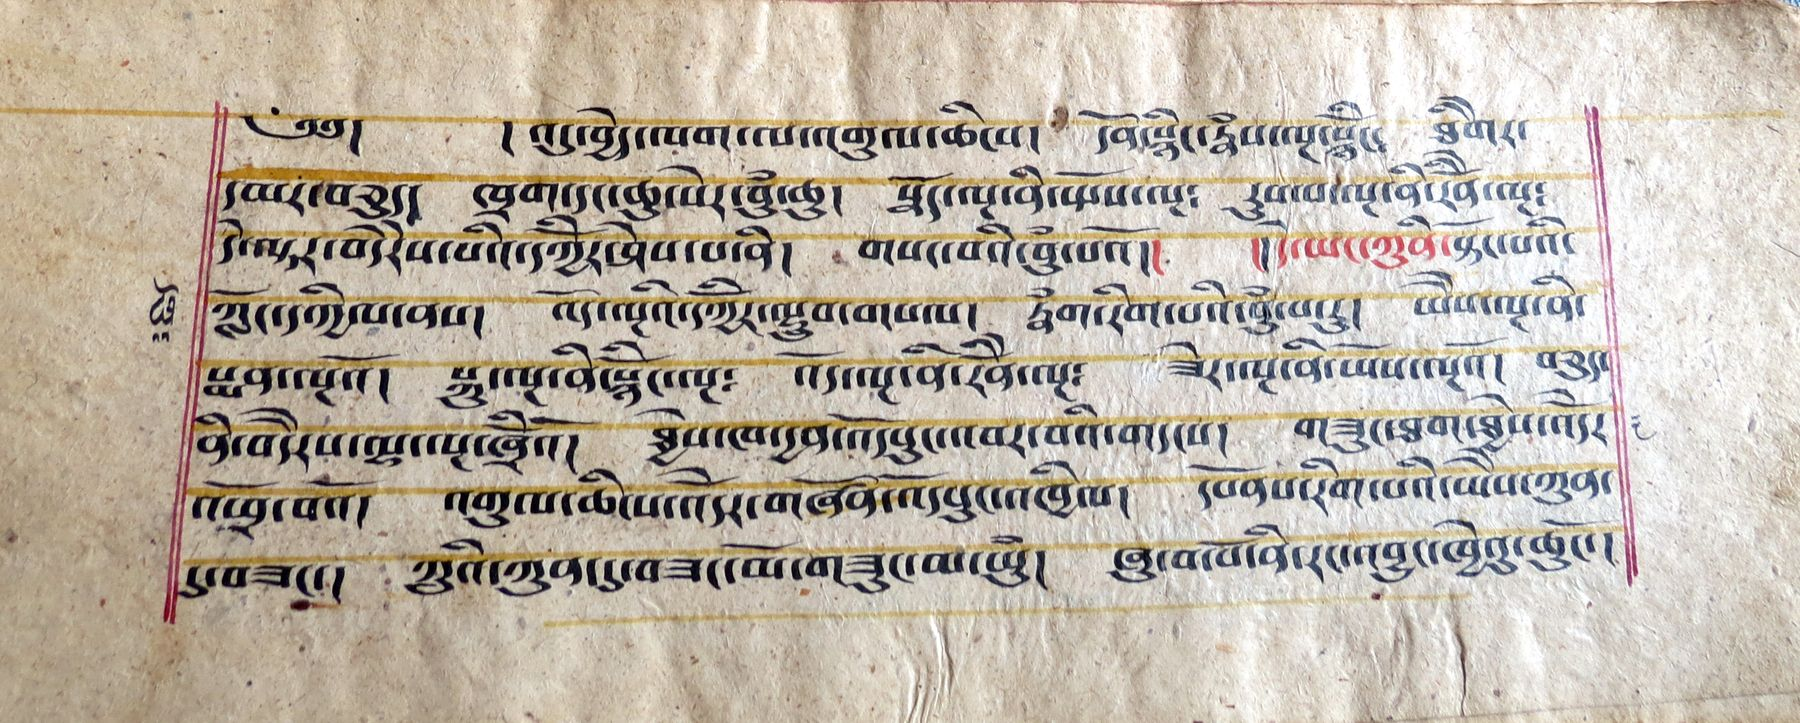འདུ་བྱེད་ལག་པ་མགུལ་ཆིངས། དོན་སྙིང་རྣམ་ལྔ་སྙིང་པོ། ཐིག་ལེ་དཀར་
དམར་གྱི་བཅུད། ཁྲག་དང་ཆུ་སེར་གྱི་བུམ་ཆུ། དོན་སྣོད་ལྔ་ནི་སྤོས་ལྔ། རུས་པ་ནི་རིན་པོ་ཆེ་ལྔ། 
དེ་བདེ་བར་གཤེགས་པའི་དཀྱིལ་འཁོར་དུ་ཤེས་པ་གསང་བའི་བུམ་པའོ། ། དེ་ཡང་ཀུན་གཞི་སྟོང་པའི་
ཀློང་དཀྱིལ་ནས། འོད་ལྔ་དཀྱིལ་འཁོར་ལྷུན་གྲུབ་ཏུ་གསལ། རྣམ་དག་རིག་པའི་བུམ་པ་རུ། ཡེ་ཤེས་ལྔ་ནི་
སྨན་ལྔའོ། ། སྐུ་ལྔ་ནི་སྙིང་པོ་ལྔ། འོད་ལྔ་ནི་རིན་པོ་ཆེ་ལྔ། ཟེར་ལྔ་ནི་སྤོས་ལྔ། བཅུད་
ནི་བདེར་གཤེགས་རིགས་ལྔའི་ཞི་ཁྲོའོ། ། ཐུགས་རྗེས་ཁ་རྒྱན་འོད་དཔུང་འབར་བའི་གདངས། གཟུངས་ཐག་ཐུགས་རྗེའི་འོད་ཟེར་
འཕྲོས་པའོ། མགུལ་ཆིངས་འོད་ཟེར་གཞའ་ཚོན་འོད་དཔུང་འཁྱིལ། དཔོན་གསས་རིག་པའི་ཡེ་ཤེས་ཀུན་
ཏུ་བཟང་། ཀུན་གཞི་ཀུན་ཏུ་བཟང་མོ་གཟུང་མ་ཡུམ། ཞུ་བ་པོ་ནི་རང་འབྱུང་ཤེས་རབ་ཁྱེའུ་ཆུང་ངོ་།